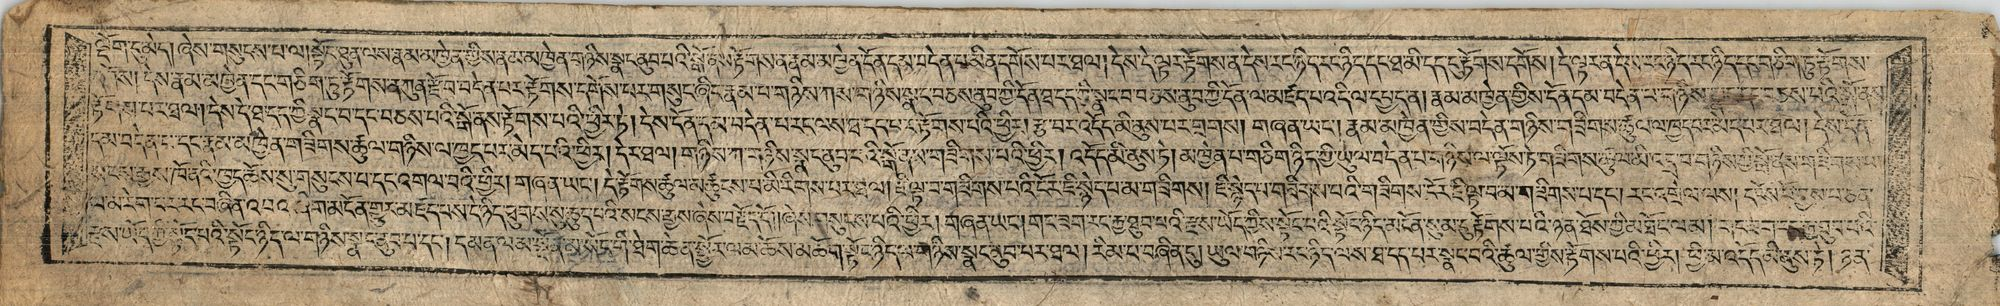ལྡོག་དུ་མེད། ཞེས་གསུངས་པ་ལ། སྟོང་ཐུན་ལས་རྣམ་མཁྱེན་གྱིས་རྣམ་མཁྱེན་གཉིས་སྣང་ནུབ་པའི་སྒོ་ནས་རྟོགས་ན་རྣམ་མཁྱེན་དོན་དམ་བདེན་པ་མིན་དགོས་པར་ཐལ། དེས་དེ་ལྟར་རྟོགས་ན་དེས་རང་ཉིད་རང་ཉིད་དང་ཐ་མི་དད་དུ་རྟོགས་དགོས། དེ་ལྟར་ན་དེས་རང་ཉིད་རང་ཉིད་དང་གཅིག་ཏུ་རྟོགས་
དགོས། དེས་རྣམ་མཁྱེན་དང་གཅིག་ཏུ་རྟོགས་ན་ཀུན་རྫོབ་བདེན་པར་རྟོགས་དགོས་པར་གསུང་ཞིང་རྣམ་པ་གཉིས་ཀས་གཉིས་སྣང་བཅས་ནུབ་ཀྱི་དོན་ཐ་དད་ཀྱི་སྣང་བ་བཅས་ནུབ་ཀྱི་དོན་ལ་མཛད་པ་འདི་ལ་དཔྱད་ན། རྣམ་མཁྱེན་གྱིས་དོན་དམ་བདེན་པ་གཉིས་སྣང་དང་བཅས་པའི་སྒོ་ནས་
རྟོགས་པར་ཐལ། དེས་དེ་ཐ་དད་ཀྱི་སྣང་བ་དང་བཅས་པའི་སྒོ་ནས་རྟོགས་པའི་ཕྱིར་ཏེ། དེས་དོན་དམ་བདེན་པར་རང་ལས་ཐ་དད་པར་རྟོགས་པའི་ཕྱིར། རྩ་བར་འདོད་མི་ནུས་པར་གྲགས། གཞན་ཡང་། རྣམ་མཁྱེན་གྱིས་བདེན་གཉིས་གཟིགས་ཚུལ་ལ་ཁྱད་པར་མེད་པར་ཐལ། དེས་དོན་
དམ་བདེན་པ་དང་རྣམ་མཁྱེན་གཟིགས་ཚུལ་གཉིས་ལ་ཁྱད་པར་མེད་པའི་ཕྱིར། དེར་ཐལ། གཉིས་ཀ་གཉིས་སྣང་ནུབ་པའི་སྒོ་ནས་གཟིགས་པའི་ཕྱིར། འདོད་མི་ནུས་ཏེ། མཁྱེན་པ་གཅིག་ཉིད་ཀྱི་ཡུལ་བདེན་པ་གཉིས་ལ་ལྟོས་ཏེ་གཟིགས་ཚུལ་མི་འདྲ་བ་གཉིས་ཀྱི་སྒོ་ནས་གཟིགས་པ་
སངས་རྒྱས་ཁོ་ནའི་ཁྱད་ཆོས་སུ་གསུངས་པ་དང་འགལ་བའི་ཕྱིར། གཞན་ཡང་། དེ་རྟོགས་ཚུལ་མཚུངས་པ་མི་རིགས་པར་ཐལ། ཇི་ལྟ་བ་གཟིགས་པའི་ངོར་ཇི་སྙེད་པ་མ་གཟིགས། ཇི་སྙེད་པ་གཟིགས་པའི་གཟིགས་ངོར་ཇི་ལྟ་བ་མ་གཟིགས་པ་དང་། རང་འགྲེལ་ལས། དངོས་པོ་བྱས་པ་ཅན་
ལ་མ་རེག་པར་རང་བཞིན་འབའ་ཞིག་མངོན་གྱུར་མཛད་པས་དེ་ཉིད་ཐུགས་སུ་ཆུད་པའི་སངས་རྒྱས་ཞེས་བརྗོད་དོ། །ཞེས་གསུངས་པའི་ཕྱིར། གཞན་ཡང་། གང་ཟག་རང་རྐྱ་ཐུབ་པའི་རྫདྱོད་ཀྱིས་སྟོང་བའི་སྟོང་ཉིད་མངོན་སུམ་དུ་རྟོགས་པའི་ཉན་ཐོས་ཀྱི་མཐོང་ལས། གང་ཟག་རང་རྐྱ་ཐུབ་པའི་
རྫས་ཡོད་ཀྱི་སྟོང་པའི་སྟོང་ཉིད་ལ་གཉིས་སྣང་ནུབ་པ་དང་། དམན་ལམ་སྔོན་མ་སོང་གི་ཐེག་ཆེན་སྦྱོར་ལམ་ཆོས་མཆོག་སྟོང་ཉིད་ལ་གཉིས་སྣང་ནུབ་པར་ཐལ། རིམ་པ་བཞིན་དུ། ཡུལ་གཉིས་རང་ཉིད་ལས་ཐ་དད་པར་སྣང་བའི་ཚུལ་གྱིས་རྟོགས་པའི་ཕྱིར། ཕྱི་མ་འདོད་མི་ནུ་